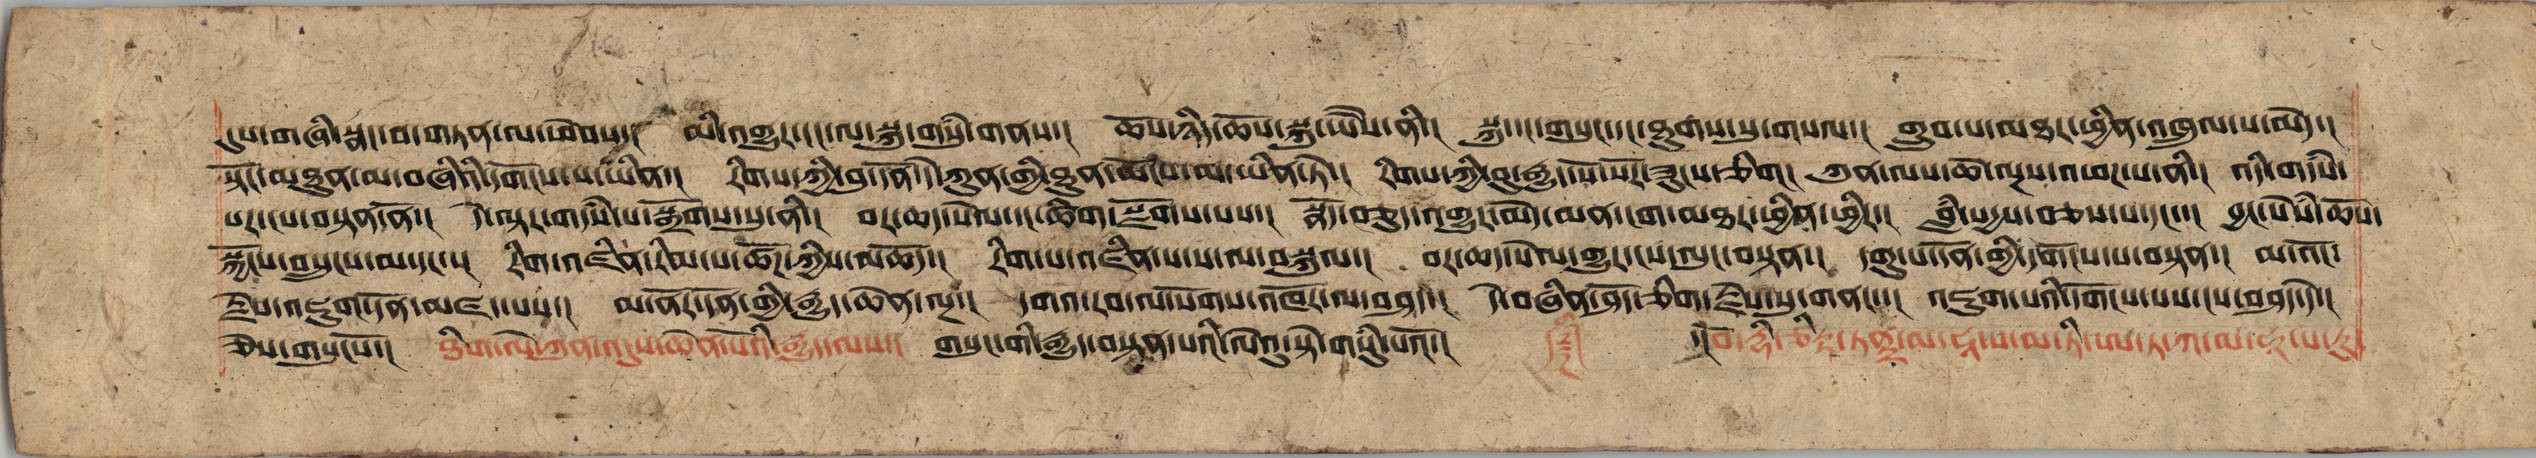དུས་གཞི་སྣང་བ་གཏན་ལ་ཕེབས་། མི་འགྱུར་ངང་ལ་སྐུ་གསུཾ་གནས་། ཆོས་ཉིད་ཆོས་སྐུ་ཡཻས་ནི་། སྐུ་དང་གསུང་དང་ཐུགས་སུ་གསལ་། གྲུབ་པ་མཐར་ཕྱིན་འཁྲུལ་པ་མེད་།
སྟོང་མཐུན་མ་བཞིའི་དགོངས་པ་ཡིན་། རིགས་ཀྱི་བུ་དོན་དེ་ཀུན་གྱི་ཐུན་མོངས་མ་ཡིན་ཏེ་། རིགས་ཀྱི་བུ་རྒྱུད་སོ་སོར་ཟུངས་ཅིག། ཀུན་ལས་ཆོ་ལྔས་འཕཌ་པ་ནི་། འདི་གདཾས་
པར་ངས་བསྟན་ནོ་། དེ་ལྟར་གདཾས་པ་སྒྲོགས་སུ་ནི་། བར་ཆད་སེལ་དང་ཚིག་སྫོགས་པས་། སྣོད་བཅུད་འགྱུར་མེད་མན་ངག་མཐར་ཕྱིན་ཕྱིར་། བླཾ་སདྱས་བཅས་པ་དང་་། བྱང་སེསཾ་ཆོས་
སྐྱོངས་བསྲུངས་མ་དང་་། རིག་འཛིན་རིམ་པ་ཚོཌ་ཀྱིས་མཆོད་། རིག་པ་འཛིན་པ་ས་ལ་བསྐུལ་། བར་ཆད་སེལ་གྱུར་ངས་ལུང་བསྟན་། དགུ་པ་དོན་གྱི་དགོངས་པ་བསྟན་། མ་འོང་
རྗེས་འཇུག་དོན་མཛད་པས་། མ་ནོར་དོན་གྱི་རྒྱུད་ཆེན་ལྔ་། དགའ་རབ་ལ་སོགས་འཁོར་ལ་བཤད་། དེ་བཞིན་ཤོད་ཅིག་རྗེས་སུ་གནང་་། འཇུག་པའི་དགོངས་པས་ངས་བཤད་དེ་།
ཅེས་གསུངསོ་། ཐིག་ལེ་ཀུན་འདུས་ཆེན་པོའི་རྒྱུད་ལས་། གསུང་གི་བསྟན་པའི་ལེའུ་སྟེ་གསུཾ་པའོ་། ༼༈༽ སྟྲོབ་དྷི་ཙིཏྟ་ཏནྟྲ་མ་ཧཱ་ས་མ་ཏི་ཨ་ཏ་ཀ་མ་ཧཱ་ས་རུ་